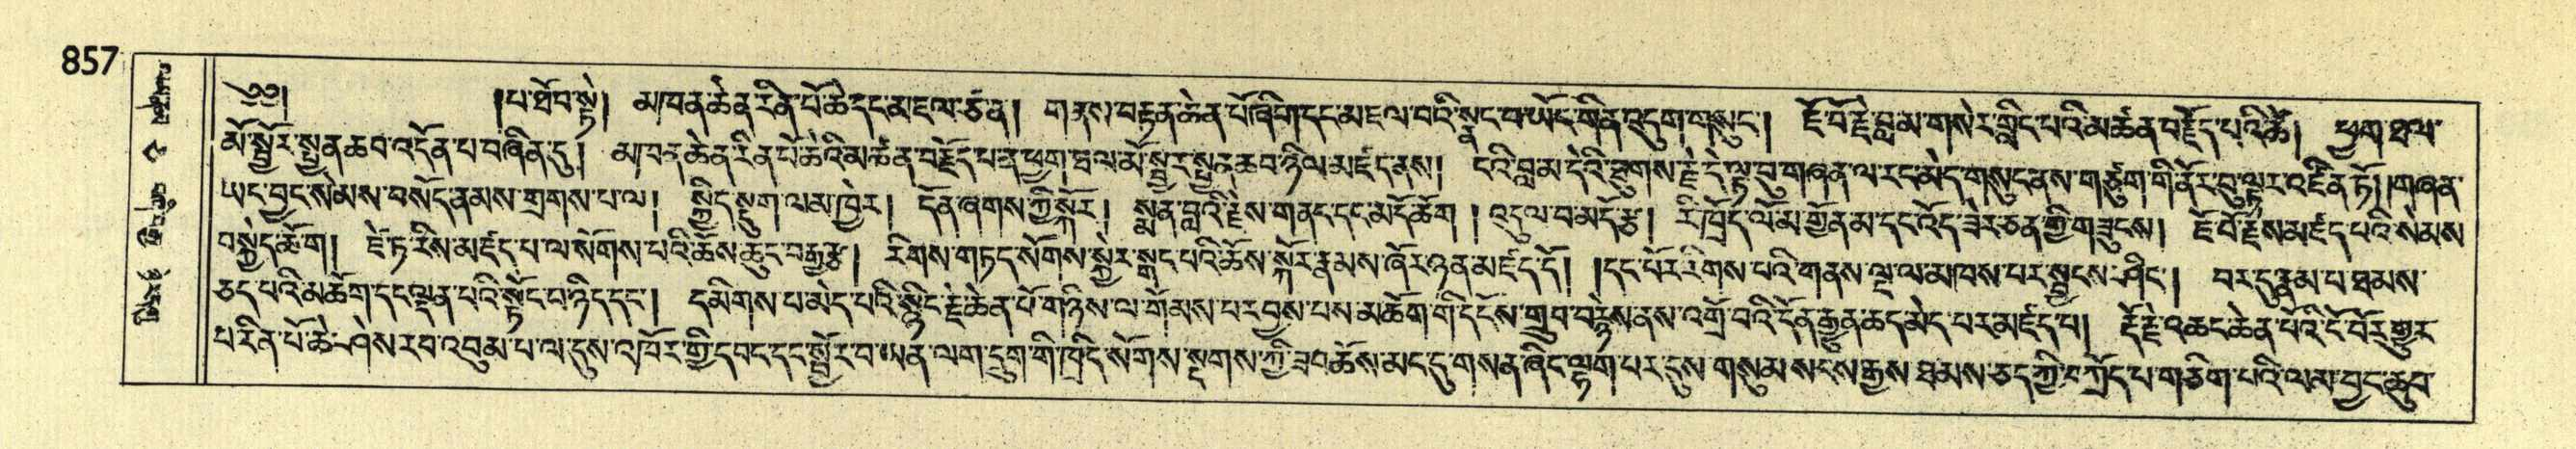༄༅། །པ་ཐོབ་སྟེ། མཁན་ཆེན་རིན་པོ་ཆེ་དང་མཇལ་ཙ་ན། གནས་བརྟན་ཆེན་པོ་ཞིག་དང་མཇལ་བའི་སྣང་བ་ཡོང་གིན་འདུག་གསུང་། ཇོ་བོ་རྗེ་བླ་མ་གསེར་གླིང་པའི་མཚན་བརྗོད་པའི་ཚེ། ཕྱག་ཐལ་
མོ་སྦྱོར་སྤྱན་ཆབ་འདོན་པ་བཞིན་དུ། མཁན་ཆེན་རིན་པོ་ཆེའི་མཚན་བརྗོད་པ་ན་ཕྱག་ཐལ་མོ་སྦྱར་སྤྱན་ཆབ་ཉིལ་མཛད་ནས། ངའི་བླ་མ་དེའི་ཐུགས་རྗེ་དེ་ལྟ་བུ་གཞན་ལ་རང་མེད་གསུང་ནས་གཙུག་གི་ནོར་བུ་ལྟར་འཛིན་ཏོ། །གཞན་
ཡང་བྱང་སེམས་བསོད་ནམས་གྲགས་པ་ལ། སྐྱིད་སྡུག་ལམ་ཁྱེར། དོན་ཞགས་ཀྱི་སྐོར། སྨན་བླའི་རྗེས་གནང་དང་མདོ་ཆོག །འདུལ་བ་མདོ་རྩ། རི་ཁྲོད་ལོ་མ་གྱོན་མ་དང་འོད་ཟེར་ཅན་གྱི་གཟུངས། ཇོ་བོ་རྗེས་མཛད་པའི་སེམས་
བསྐྱེད་ཆོ་ག། ཛེ་ཏ་རིས་མཛད་པ་ལ་སོགས་པའི་ཆོས་ཆུང་བརྒྱ་རྩ། རིགས་གཏད་སོགས་སྐྱེར་སྒང་པའི་ཆོས་སྐོར་རྣམས་ཞོར་ཉན་མཛད་དོ། །དང་པོར་རིགས་པའི་གནས་ལྔ་ལ་མཁས་པར་སྦྱངས་ཤིང་། བར་དུ་རྣམ་པ་ཐམས་
ཅད་པའི་མཆོག་དང་ལྡན་པའི་སྟོང་བ་ཉིད་དང་། དམིགས་པ་མེད་པའི་སྙིང་རྗེ་ཆེན་པོ་གཉིས་ལ་གོམས་པར་བྱས་པས་མཆོག་གི་དངོས་གྲུབ་བརྙེས་ནས་འགྲོ་བའི་དོན་རྒྱུན་ཆད་མེད་པར་མཛད་པ། རྡོ་རྗེ་འཆང་ཆེན་པོའི་ངོ་བོར་གྱུར་
པ་རིན་པོ་ཆེ་ཤེས་རབ་འབུམ་པ་ལ་དུས་འཁོར་གྱི་དབང་དང་སྦྱོར་བ་ཡན་ལག་དྲུག་གི་ཁྲིད་སོགས་སྔགས་ཀྱི་ཟབ་ཆོས་མང་དུ་གསན་ཞིང་ལྷག་པར་དུས་གསུམ་སངས་རྒྱས་ཐམས་ཅད་ཀྱི་བཀྲོད་པ་གཅིག་པའི་ལམ་བྱང་ཆུབ་